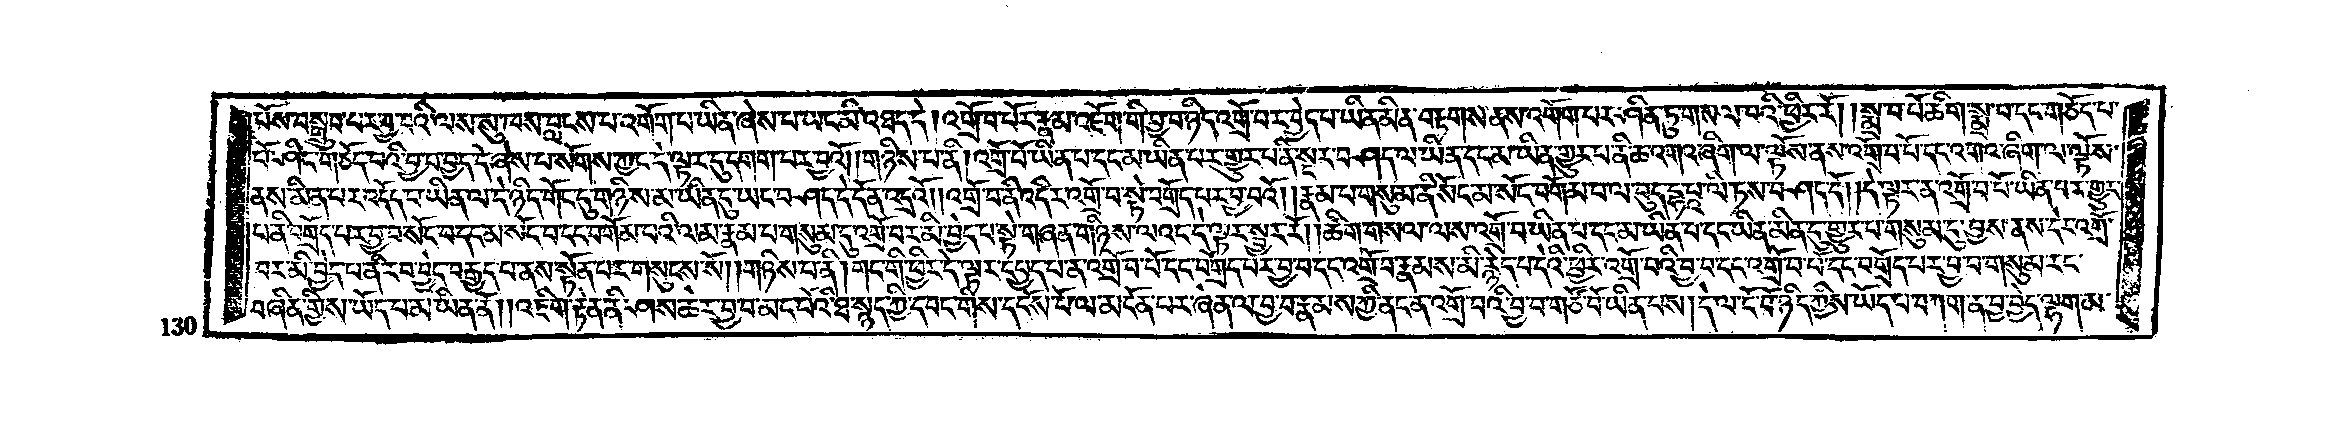པོས་བསྒྲུབ་པར་བྱ་བའི་ལས་སུ་ཁས་བླངས་པ་འགོག་པ་ཡིན་ཞེས་པ་ཡང་མི་འཐད་དེ། འགྲོ་བ་པོར་རྣམ་འཇོག་གི་བྱ་བ་ཉིད་འགྲོ་བར་བྱེད་པ་ཡིན་མིན་བརྟགས་ནས་འགོག་པར་ཤིན་ཏུ་གསལ་བའི་ཕྱིར་རོ། །སྨྲ་བ་པོ་ཚིག་སྨྲ་བ་དང་གཅོད་པ་
པོ་ཤིང་གཅོད་པའི་བྱ་བ་བྱེད་དེ་ཞེས་པ་སོགས་ཀྱང་དེ་ལྟར་དུ་དགག་པར་བྱའོ། །གཉིས་པ་ནི། འགྲོ་བ་པོ་ཡིན་པ་དང་མ་ཡིན་པ་རྒྱུར་པ་ནི་སྔར་བཤད་ལ་ཡིན་དང་མ་ཡིན་གྱུར་པ་ནི་ཆ་འགའ་ཞིག་ལ་ལྟོས་ནས་འགྲོ་བ་པོ་དང་འགའ་ཞིག་ལ་ལྟོས་
ནས་མིན་པར་འདོད་པ་ཡིན་ལ་དེ་ཉིད་གོང་དུ་གཉིས་མ་ཡིན་དུ་ཡང་བཤད་དེ་དོན་འདྲའོ། །འགྲོ་བ་ནི་འདིར་འགྲོ་བ་སྟེ་བགྲོད་པར་བྱ་བའོ། །རྣམ་པ་གསུམ་ནི་སོང་མ་སོང་བགོམ་པ་ལ་བུད་དྷ་པཱ་ལི་ཏས་བཤད་དོ། །དེ་ལྟར་ན་འགྲོ་བ་པོ་ཡིན་པར་གྱུར་
པ་ནི་བགྲོད་པར་བྱ་བ་སོང་བ་དང་མ་སོང་བ་དང་བགོམ་པའི་ལམ་རྣམ་པ་གསུམ་དུ་འགྲོ་བར་མི་བྱེད་པ་སྟེ་གཞན་གཉིས་ལའང་དེ་ལྟར་སྦྱར་རོ། །ཚིག་གསལ་ལས་འགྲོ་བ་ཡིན་པ་དང་མ་ཡིན་པ་དང་ཡིན་མིན་དུ་གྱུར་པ་གསུམ་དུ་བྱས་ནས་དེར་འགྲོ་
བར་མི་བྱེད་པ་ནི་རབ་བྱེད་བརྒྱད་པ་ནས་སྟེན་པར་གསུངས་སོ། །གཉིས་པ་ནི། གང་གི་ཕྱིར་དེ་ལྟར་དཔྱད་པ་ན་འགྲོ་བ་པོ་དང་བགྲོད་པར་བྱ་བ་དང་འགྲོ་བ་རྣམས་མི་རྙེད་པ་དེའི་ཕྱིར་འགྲོ་བའི་བྱ་བ་དང་འགྲོ་བ་པོ་དང་བགྲོད་པར་བྱ་བ་གསུམ་རང་
བཞིན་གྱིས་ཡོད་པ་མ་ཡིན་ནོ། །འཇིག་རྟེན་ནི་ཤེས་ཆེར་བྱ་བ་མང་པོའི་ཐ་སྙད་ཀྱི་དབང་གིས་དངོས་པོ་ལ་མངོན་པར་ཞེན་ལ་བྱ་བ་རྣམས་ཀྱི་ནང་ན་འགྲོ་བའི་བྱ་བ་གཙོ་བོ་ཡིན་པས། དེ་ལ་ངོ་བོ་ཉིད་ཀྱིས་ཡོད་པ་བཀག་ན་བྱ་བྱེད་ལྷག་མ་